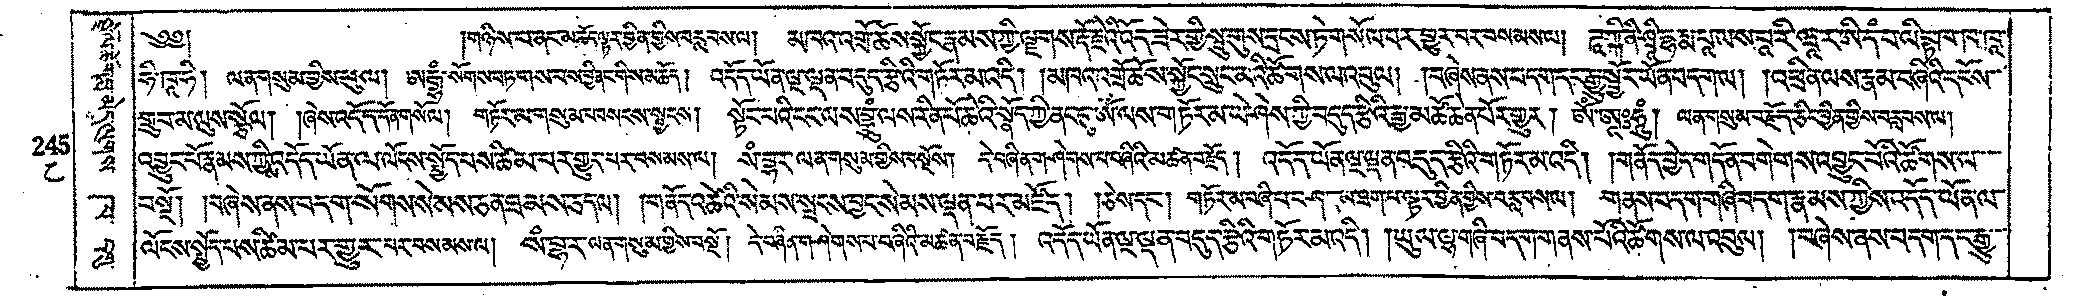༄༅། ། གཉིས་པ་ནང་མཆོད་ལྟར་བྱིན་གྱིས་བརླབས་ལ། མཁའ་འགྲོ་ཆོས་སྐྱོང་རྣམས་ཀྱི་ལྗགས་རྡོ་རྗེའི་འོད་ཟེར་གྱི་སྦུ་གུས་དྲངས་ཏེ་གསོལ་བར་གྱུར་པར་བསམས་ལ། ཌཱ་ཀཀི་ནི་ཤྲཱི་དྷརྨ་པཱ་ལ་ས་པཱ་རི་ཝཱ་རི་ཝཱ་ར་ཨི་དཾ་བ་ལིནྟ་ཁ་ཁ་ཁཱ་
ཧི་ཁཱ་ཏི། ལན་གསུམ་གྱིས་ཕུལ། ཨརྒྷཾ་སོགས་བཏགས་པས་ཕྱི་ནང་གིས་མཆོད། འདོད་ཡོན་ལྔ་ལྡན་བདུད་རྩིའི་གཏོར་མ་འདི། །མཁའ་འགྲོ་ཆོས་སྐྱོང་སྲུང་མའི་ཚོགས་ལ་འབུལ། །བཞེས་ནས་བདག་དང་རྒྱུ་སྦྱོར་ཡོན་བདག་ལ། །འཕྲིན་ལས་རྣམ་བཞིའི་དངོས་་་
གྲུབ་མ་ལུས་སྩོལ། །ཞེས་འདོད་དོན་གསོལ། གཏོར་མ་གསུམ་པ་བསངས་སྦྱངས།  སྟོང་པའི་ངག་ལས་བྷྲུཾ་ལས་རིན་པོ་ཆེའི་སྣོད་ཀྱི་ནང་དུ་ཨོཾ་ལས་གཏོར་མ་ཡེ་ཤེས་ཀྱི་བདུད་རྩིའི་རྒྱ་མཚོ་ཆེན་པོར་གྱུར། ཨོཾ་ཨཱཿཧཱུཾ། ལན་གསུམ་བརྗོད་ཅིང་བྱིན་གྱིས་བརླབས་ལ།
འབྱུང་པོ་རྣམས་ཀྱིས་འདོད་ཡོན་ལ་ལོངས་སྤྱོད་པས་ཚིམ་པར་གྱུར་པར་བསམས་ལ།  སཾ་བྷ་ར་ལན་གསུམ་གྱིས་བསྔོས། དེ་བཞིན་གཤེགས་པ་བཞིའི་མཚན་བརྗོད།  འདོད་ཡོན་ལྔ་ལྡན་བདུད་རྩིའི་གཏོར་མ་འདི། །གནོད་བྱེད་གདོན་བགེགས་འབྱུང་པོའི་ཚོགས་ལ་་་
བསྔོ། །བཞེས་ནས་བདག་སོགས་སེམས་ཅན་ཐམས་ཅད་ལ། །གནོད་འཚེའི་སེམས་སྤངས་བྱང་སེམས་ལྡན་པར་མཛོད། །ཅེས་དང་། གཏོར་མ་བཞི་པ་བཤད་མ་ཐག་པ་ལྟར་བྱིན་གྱིས་བརླབས་ལ། གནས་བདག་གཞི་བདག་རྣམས་ཀྱིས་འདོད་ཡོན་ལ་་་
ལོངས་སྤྱོད་པས་ཚིམ་པར་གྱུར་པར་བསམས་ལ།  སཾ་བྷ་ར་ལན་གསུམ་གྱིས་བསྔོ། དེ་བཞིན་གཤེགས་པ་བཞིའི་མཚན་བརྗོད།  འདོད་ཡོན་ལྔ་ལྡན་བདུད་རྩིའི་གཏོར་མ་འདི། །ཡུལ་ལྷ་གཞི་བདག་གནས་པོའི་ཚོགས་ལ་འབུལ། །བཞེས་ནས་བདག་དང་རྒྱུ་་་